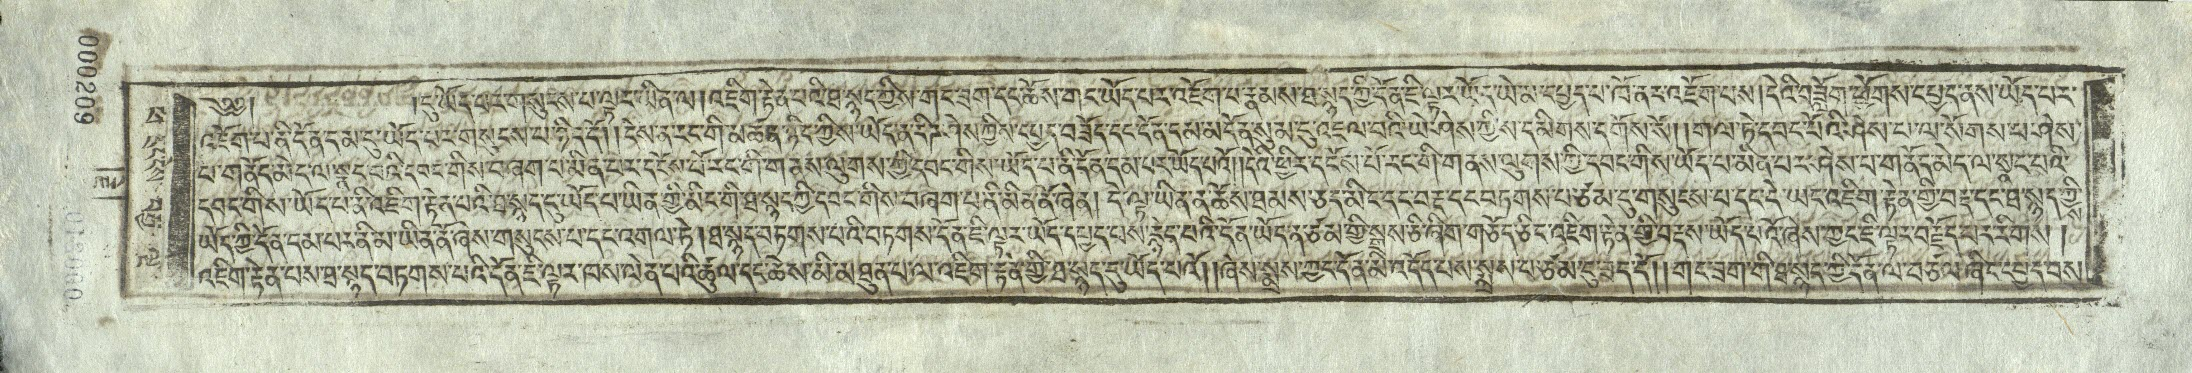༄༅། །དུ་ཡོད་པར་གསུངས་པ་ལྟར་ཡིན་ལ། འཇིག་རྟེན་པའི་ཐ་སྙད་ཀྱིས་གང་ཟག་དང་ཚོས་གང་ཡོད་པར་འཇོག་པ་རྣམས་ཐ་སྙད་ཀྱི་དོན་ཇི་ལྟར་ཡོད་ཡེ་མ་དཔྱད་པ་ཁོ་ནར་འཇོག་པས། དེའི་བཟློག་ཕྱོགས་དཔྱད་ནས་ཡོད་པར་
འཇོག་པ་ནི་དོན་དམ་དུ་ཡོད་པར་གསུངས་པ་ཉིད་དོ། །དེས་ན་རང་གི་མཚན་ཉིད་ཀྱིས་ཡོད་ན་རིགས་ཤེས་ཀྱིས་དཔྱད་བཟོད་དང་དོན་དམ་མངོན་སུམ་དུ་འཇལ་བའི་ཡེ་ཤེས་ཀྱིས་དམིགས་དགོས་སོ། །གལ་ཏེ་དབང་པོའི་ཤེས་པ་ལ་སོགས་པ་ཤེས་
པ་གནོད་མེད་ལ་སྣང་བའི་དབང་གིས་བཞག་པ་མིན་པར་དངོས་པོ་རང་གི་གནས་ལུགས་ཀྱི་དབང་གིས་ཡོད་པ་ནི་དོན་དམ་པར་ཡོད་པའོ། །དེའི་ཕྱིར་དངོས་པོ་རང་གི་གནས་ལུགས་ཀྱི་དབང་གིས་ཡོད་པ་མིན་པར་ཤེས་པ་གནོད་མེད་ལ་སྣང་བའི་
དབང་གིས་ཡོད་པ་ནི་འཇིག་རྟེན་པའི་ཐ་སྙད་དུ་ཡོད་པ་ཡིན་གྱི་མིང་གི་ཐ་སྙད་ཀྱི་དབང་གིས་བཞག་པ་ནི་མིན་ནོ་ཞེ་ན། དེ་ལྟ་ཡིན་ན་ཆོས་ཐམས་ཅད་མིང་དང་བརྡ་དང་བཏགས་པ་ཙམ་དུ་གསུངས་པ་དང་དེ་ཡང་འཇིག་རྟེན་གྱི་བརྡ་དང་ཐ་སྙད་ཀྱིས་
ཡོད་ཀྱི་དོན་དམ་པར་ནི་མ་ཡིན་ནོ་ཞེས་གསུངས་པ་དང་འགལ་ཏེ། ཐ་སྙད་བཏགས་པའི་བཏགས་དོན་ཇི་ལྟར་ཡོད་དཔྱད་པས་རྙེད་པའི་དོན་ཡོད་ན་ཙམ་གྱི་སྒྲས་ཅི་ཞིག་གཅོད་ཅིང་འཇིག་རྟེན་གྱི་བརྡས་ཡོད་པའོ་ཞེས་ཀྱང་ཇི་ལྟར་བརྗོད་པར་རིགས།
འཇིག་རྟེན་པས་ཐ་སྙད་བཏགས་པའི་དོན་ཇི་ལྟར་ཁས་ལེན་པའི་ཚུལ་དང་ཆེས་མི་མཐུན་པ་ལ་འཇིག་རྟེན་གྱི་ཐ་སྙད་དུ་ཡོད་པའོ། །ཞེས་སྨྲས་ཀྱང་དོན་མི་འདོད་པས་སྨྲས་པ་ཙམ་དུ་ཟད་དོ། །གང་ཟག་གི་ཐ་སྙད་ཀྱི་དོན་ལ་བཙལ་ཞིང་དཔྱད་པས་